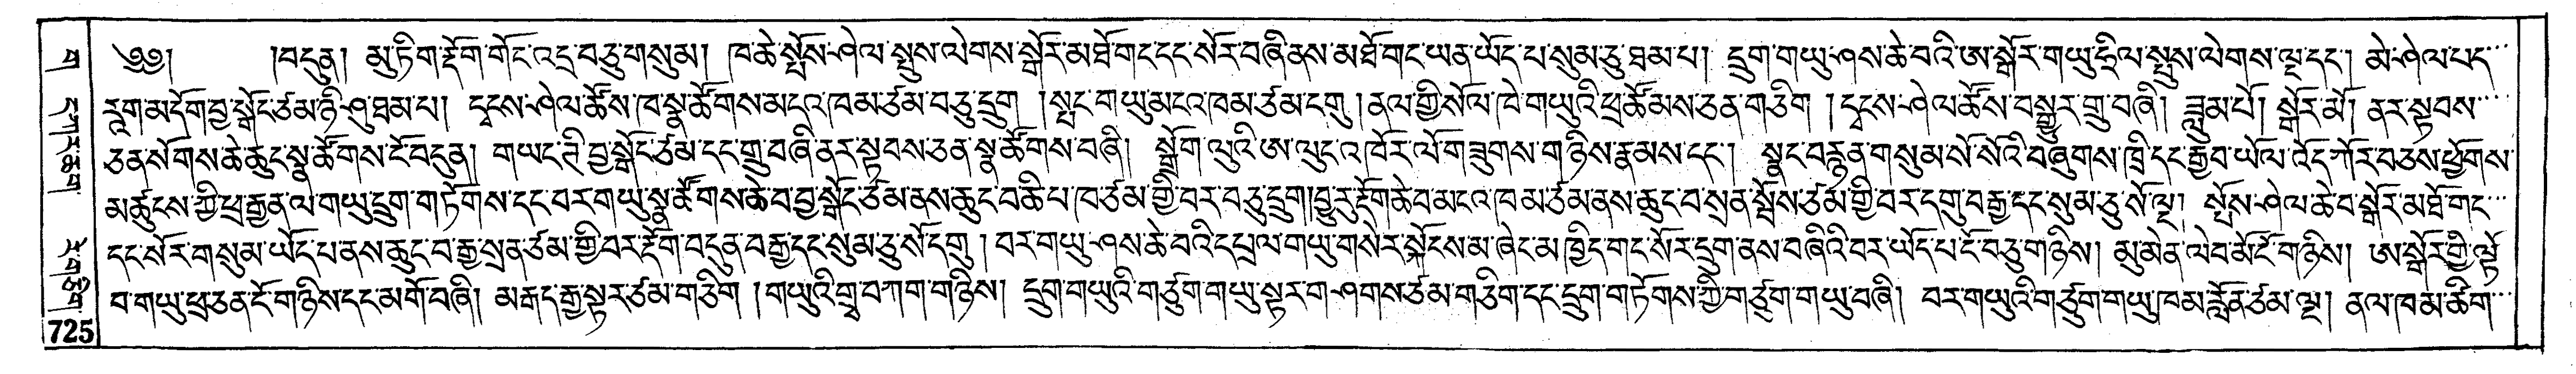༄༅། །བདུན། མུ་ཏིག་རྡོག་གོང་འདྲ་བཅུ་གསུམ། ཁ་ཆེ་སྤོས་ཤེལ་སྤུས་ལེགས་སྤོར་མཐོ་གང་དང་སོར་བཞི་ནས་མཐོ་གང་ཡན་ཡོད་པ་སུམ་ཅུ་ཐམ་པ། དྲུག་གཡུ་ཤས་ཆེ་བའི་ཨ་སྒོར་གཡུ་ཧྲིལ་སྤུས་ལེགས་ལྔ་དང་། མེ་ཤེལ་པད་
རཱ་ག་མདོག་བྱ་སྒོང་ཙམ་ཉི་ཤུ་ཐམ་པ། དྭངས་ཤེལ་ཆོས་ཁ་སྣ་ཚོགས་མངའ་ཁམ་ཙམ་བཅུ་དྲུག །སྤང་གཡུ་མངའ་ཁམ་ཙམ་དགུ །ནལ་གྱི་སོལ་ཁེ་གཡུའི་ཕྲ་ཚོམས་ཅན་གཅིག །དྭངས་ཤེལ་ཚོས་བསྒྱུར་གྲུ་བཞི། ཟླུམ་པོ། སྒོར་མོ། ནར་སྟབས་
ཅན་སོགས་ཆེ་ཆུང་སྣ་ཚོགས་ངོ་བདུན། གཡང་ཊི་བྱ་སྒོང་ཙམ་དང་གྲུ་བཞི་ནར་སྟབས་ཅན་སྣ་ཚོགས་བཞི། སྒྲོག་ལུའི་ཨ་ལུང་འཁོར་ལོ་གཟུགས་གཉིས་རྣམས་དང་། སྣང་བརྙན་གསུམ་སོ་སོའི་བཞུགས་ཁྲི་དང་རྒྱབ་ཡོལ་འོད་ཀོར་བཅས་ཕྱོགས་
མཚུངས་ཀྱི་ཕྲ་རྒྱན་ལ་གཡུ་དྲུག་གཏོགས་དང་བར་གཡུ་སྣ་ཚོགས་ཆེ་བ་བྱ་སྒོང་ཙམ་ནས་ཆུང་བ་ཆི་པ་ཁ་ཙམ་གྱི་བར་བཅུ་དྲུག། བྱུ་རུ་རྡོག་ཆེ་བ་མངའ་ཁམ་ཙམ་ནས་ཆུང་བ་སྲན་སྤོས་ཙམ་གྱི་བར་དགུ་བརྒྱ་དང་སུམ་ཅུ་སོ་ལྔ། སྤོས་ཤེལ་ཆེ་བ་སྒོར་མཐོ་གང་
དང་སོར་གསུམ་ཡོད་པ་ནས་ཆུང་བ་རྒྱ་སྲན་ཙམ་གྱི་བར་རྡོག་བདུན་བརྒྱ་དང་སུམ་ཅུ་སོ་དགུ །བར་གཡུ་ཤས་ཆེ་བའི་དཔྲལ་གཡུ་གསེར་སྐོངས་མ་ཞེང་མཁྱིད་གང་སོར་དྲུག་ནས་བཞིའི་པར་ཡོད་པ་ངོ་བཅུ་གཉིས། མུ་མེན་ལེབ་མོ་ངོ་གཉིས། ཨ་སྒོར་གྱི་ལྟོ་
བ་གཡུ་ཕྲ་ཅན་ངོ་གཉིས་དང་མགོ་བཞི། མྲྒད་རྒྱ་སྟར་ཙམ་གཅིག །གཡུའི་གྲྭ་བཀག་གཉིས། དྲུག་གཡུའི་གཙུག་གཡུ་སྟར་གཤགས་ཙམ་གཅིག་དང་དྲུག་གཏོགས་ཀྱི་གཙུག་གཡུ་བཞི། པར་གཡུའི་གཙུག་གཡུ་ཁམ་རློན་ཙམ་ལྔ། ནལ་ཁམ་ཆིག་